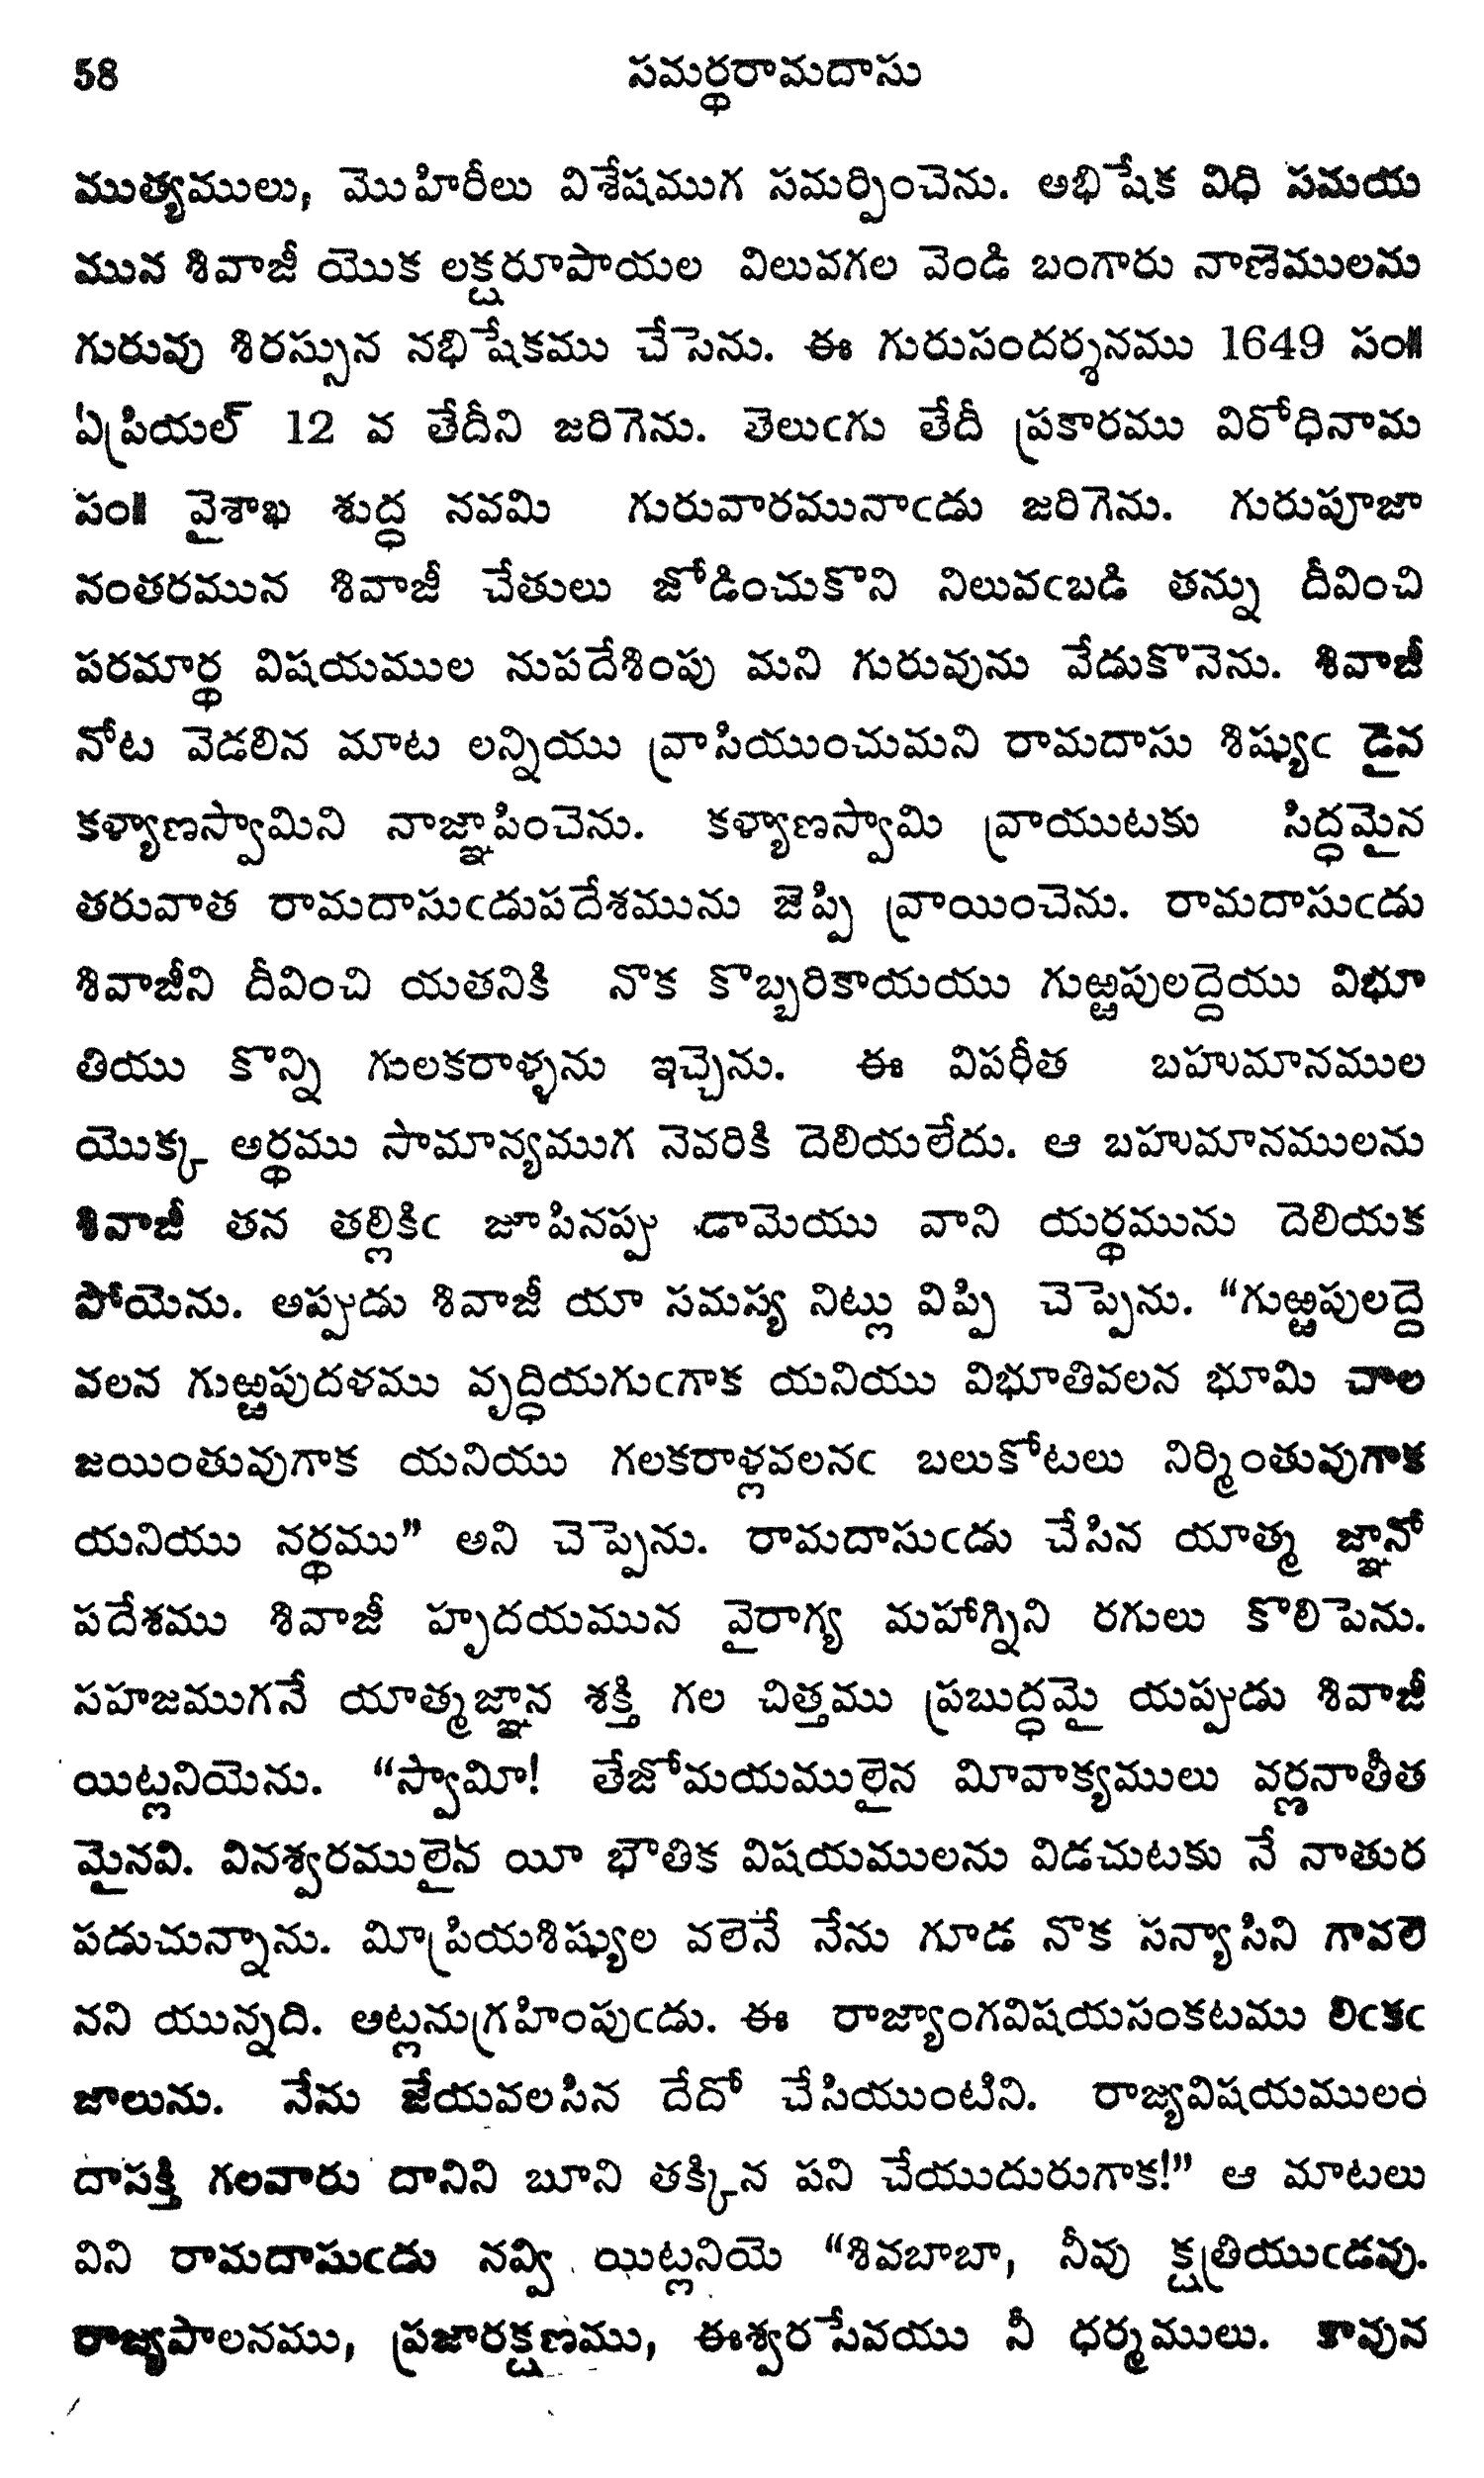ముత్యములు, మొహిరీలు విశేషముగ సమర్పించెను. అభిషేక విధి సమయమున శివాజీ యొక లక్షరూపాయల విలువగల వెండి బంగారు నాణెములను గురువు శిరస్సున నభిషేకము చేసెను. ఈ గురుసందర్శనము 1649 సం. ఏప్రియల్ 12 వ తేదీని జరిగెను. తెలుగు తేదీ ప్రకారము విరోధినామ సం. వైశాఖ శుద్ధ నవమి గురువారమునాడు జరిగెను. గురుపూజా నంతరమున శివాజీ చేతులు జోడించుకొని నిలువబడి తన్ను దీవించి పరమార్థ విషయముల నుపదేశింపు మని గురువును వేడుకొనెను. శివాజీ నోట వెడలిన మాట లన్నియు వ్రాసియుంచుమని రామదాసు శిష్యు డైన కళ్యాణస్వామిని నాజ్ఞాపించెను. కళ్యాణస్వామి వ్రాయుటకు సిద్ధమైన తరువాత రామదాసుడుపదేశమును జెప్పి వ్రాయించెను. రామదాసుడు శివాజీని దీవించి యతనికి నొక కొబ్బరికాయయు గుఱ్ఱపులద్దెయు విభూతియు కొన్ని గులకరాళ్ళను ఇచ్చెను. ఈ విపరీత బహుమానముల యొక్క అర్థము సామాన్యముగ నెవరికి దెలియలేదు. ఆ బహుమానములను శివాజీ తన తల్లికి జూపినప్పు డామెయు వాని యర్థమును దెలియక పోయెను. అప్పుడు శివాజీ యా సమస్య నిట్లు విప్పి చెప్పెను. "గుఱ్ఱపులద్దె వలన గుఱ్ఱపుదళము వృద్ధియగుగాక యనియు విభూతివలన భూమి చాల జయింతువుగాక యనియు గులకరాళ్లవలన బలుకోటలు నిర్మింతువుగాక యనియు నర్థము" అని చెప్పెను. రామదాసుడు చేసిన యాత్మ జ్ఞానోపదేశము శివాజీ హృదయమున వైరాగ్య మహాగ్నిని రగులు కొలిపెను. సహజముగనే యాత్మజ్ఞాన శక్తి గల చిత్తము ప్రబుద్ధమై యప్పుడు శివాజీ యిట్లనియెను. "స్వామీ! తేజోమయములైన మీవాక్యములు వర్ణనాతీతమైనవి. వినశ్వరములైన యీ భౌతిక విషయములను విడచుటకు నే నాతురపడుచున్నాను. మీప్రియశిష్యుల వలెనే నేను గూడ నొక సన్యాసిని గావలెనని యున్నది అట్లనుగ్రహింపుడు. ఈ రాజ్యాంగవిషయసంకటము లికజాలును. నేను జేయవలసిన దేదో చేసియుంటిని. రాజ్యవిషయములం దాసక్తి గలవారు దానిని బూని తక్కిన పని చేయుదురుగాక!" ఆ మాటలు విని రామదాసుడు నవ్వి యిట్లనియె "శివబాబా, నీవు క్షత్రియుడవు. రాజ్యపాలనము, ప్రజారక్షణము, ఈశ్వరసేవయు నీ ధర్మములు. కావున